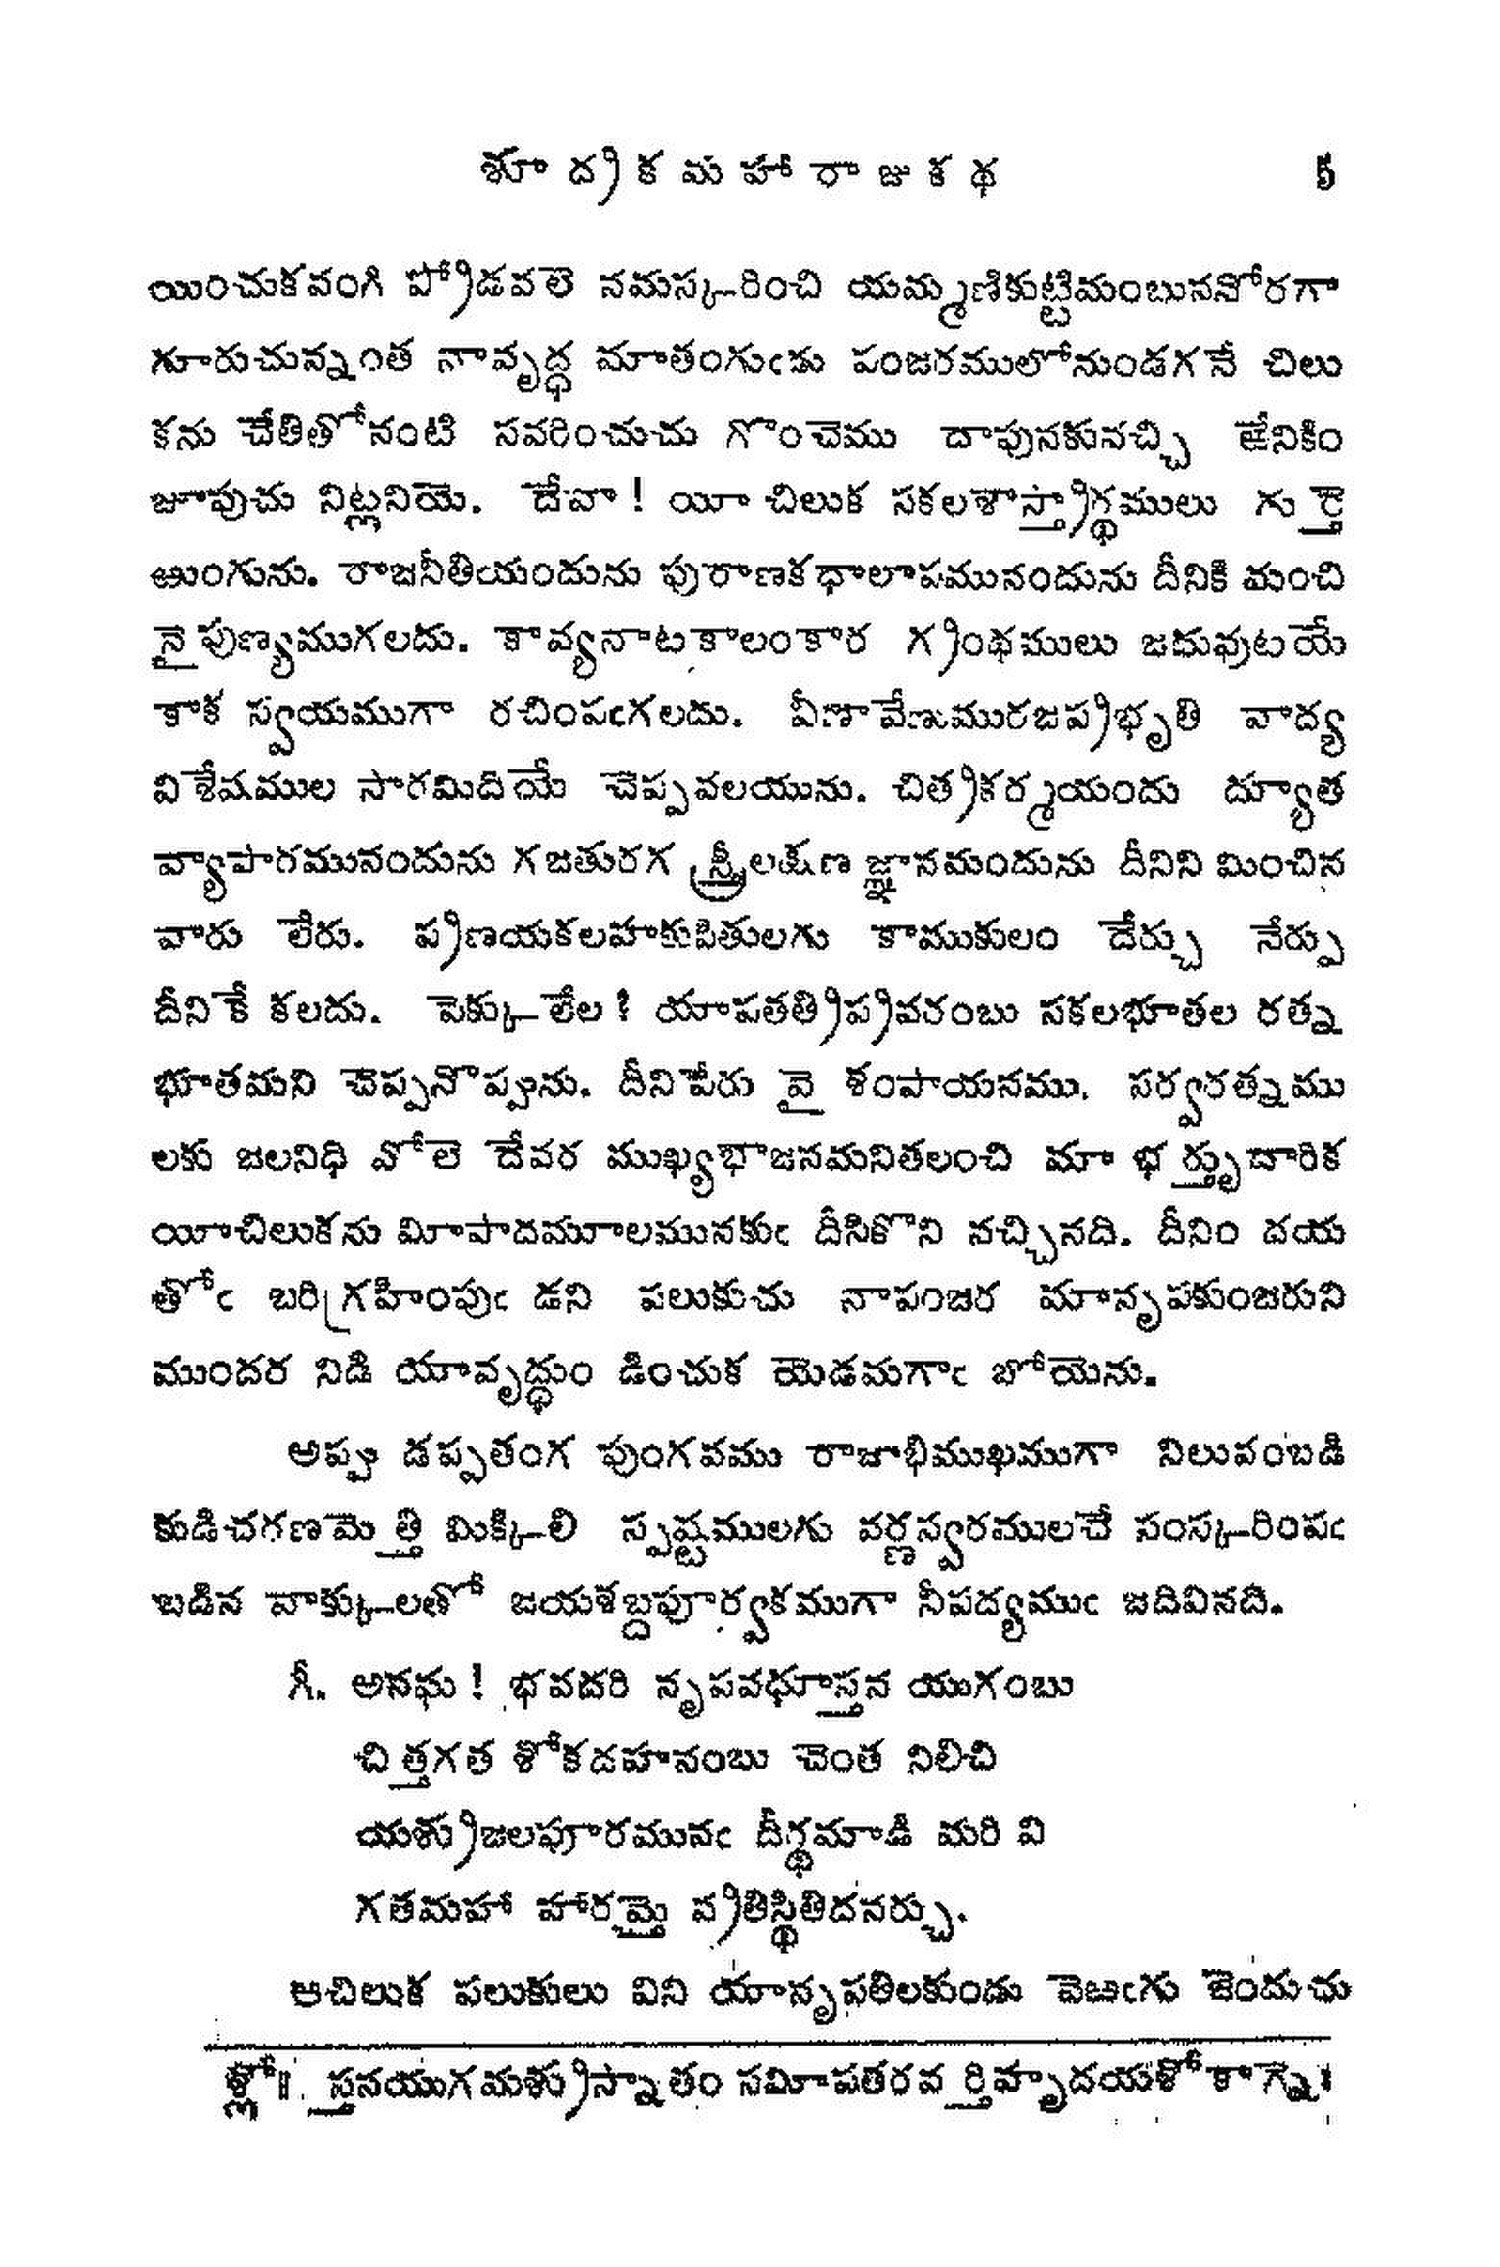యించుకవంగి ప్రోడవలె నమస్కరించి యమ్మణికుట్టిమంబుననోరగా గూరుచున్నంత నావృద్ధ మాతంగుఁడు పంజరములోనుండగనే చిలుకను చేతితోనంటి సవరించుచు గొంచెము దాపునకువచ్చి ఱేనికిం జూపుచు నిట్లనియె. దేవా ! యీ చిలుక సకలశాస్త్రార్థములు గుర్తెఱుంగును. రాజనీతియందును పురాణకధాలాపమునందును దీనికి మంచి నై పుణ్యముగలదు. కావ్యనాటకాలంకార గ్రంథములు జదువుటయే కాక స్వయముగా రచింపఁగలదు. వీణావేణుమురజప్రభృతి వాద్య విశేషముల సారమిదియే చెప్పవలయును. చిత్రకర్మయందు ద్యూత వ్యాపారమునందును గజతురగ స్త్రీలక్షణ జ్ఞానమందును దీనిని మించిన వారు లేరు. ప్రణయకలహకుపితులగు కాముకులం దేర్చు నేర్పు దీనికే కలదు. పెక్కు లేల ? యాపతత్రిప్రవరంబు సకలభూతల రత్న భూతమని చెప్పనొప్పును. దీనిపేరు వై శంపాయనము. సర్వరత్నములకు జలనిధి వోలె దేవర ముఖ్యభాజనమనితలంచి మా భర్తృదారిక యీచిలుకను మీపాదమూలమునకుఁ దీసికొని వచ్చినది. దీనిం దయతోఁ బరిగ్రహింపుఁ డని పలుకుచు నాపంజర మానృపకుంజరుని ముందర నిడి యావృద్ధుం డించుక యెడమగాఁ బోయెను.

అప్పు డప్పతంగ పుంగవము రాజాభిముఖముగా నిలువంబడి కుడిచరణమెత్తి మిక్కిలి స్పష్టములగు వర్ణస్వరములచే సంస్కరింపఁ బడిన వాక్కులతో జయశబ్దపూర్వకముగా నీపద్యముఁ జదివినది.

గీ. అనఘ ! భవదరి నృపవధూస్తన యుగంబు
 చిత్తగత శోకదహనంబు చెంత నిలిచి
 యశ్రుజలపూరమునఁ దీర్థమాడి మరి వి
 గతమహా హారమై ప్రతిస్థితిదనర్చు.

ఆచిలుక పలుకులు విని యానృపతిలకుండు వెఱఁగు జెందుచు
______________________________________________________________________

శ్లో || స్తనయుగమశ్రుస్నాతం సమీపతరవర్తిహృదయశోకాగ్నె !